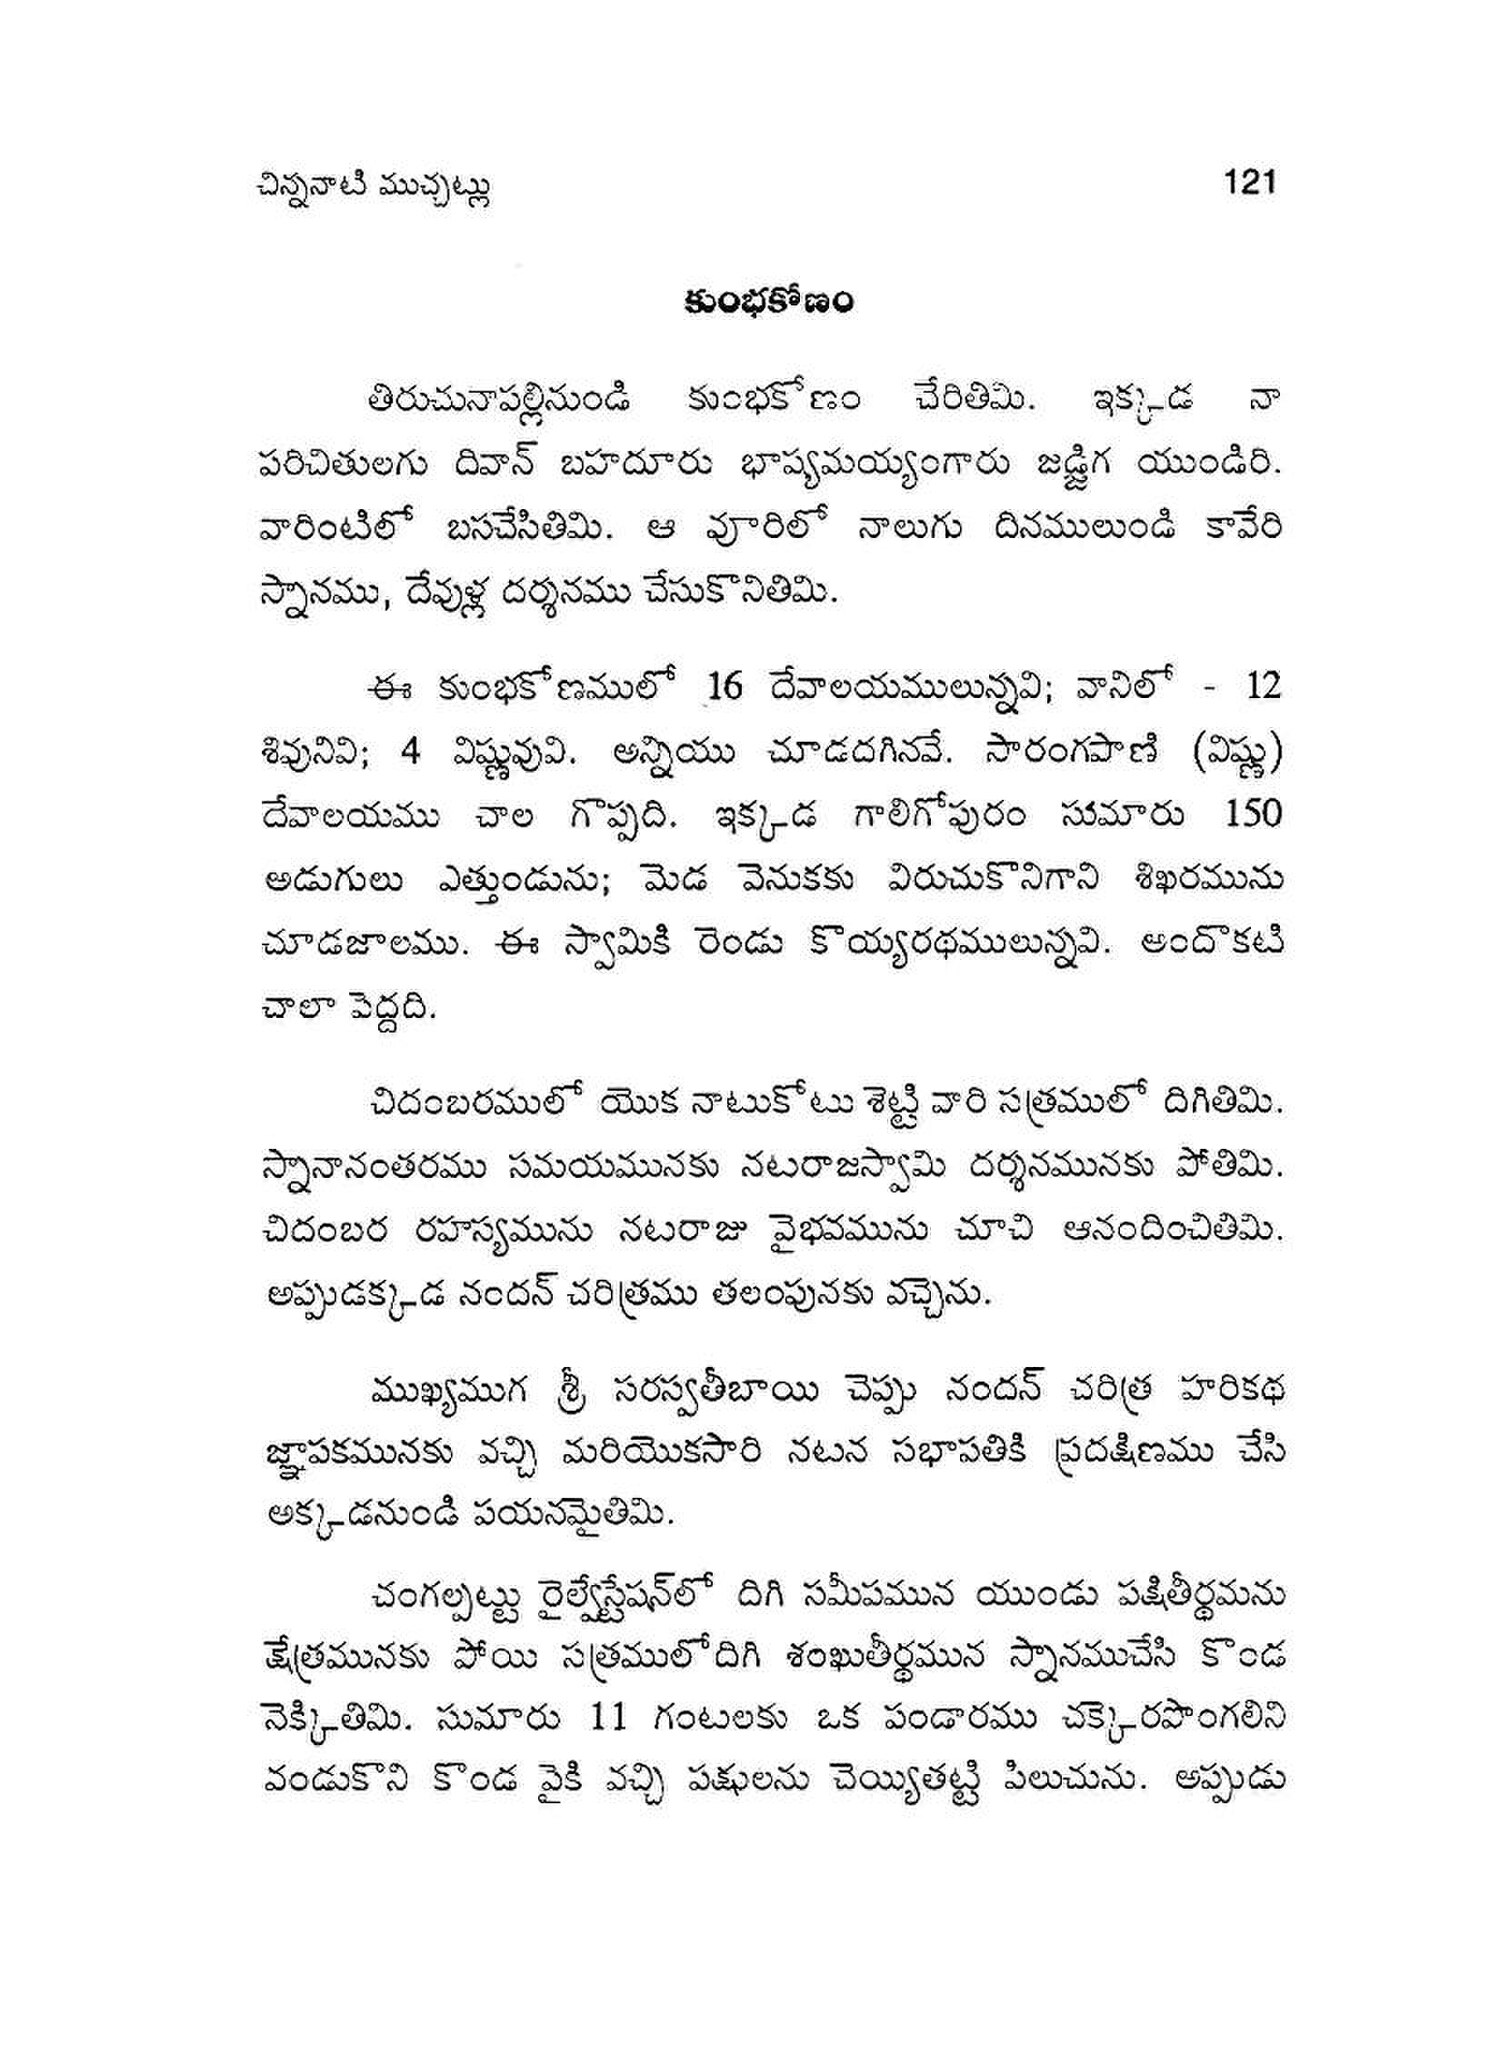తిరుచునాపల్లినుండి కుంభకోణం చేరితిమి. ఇక్కడ నా పరిచితులగు దివాన్ బహదూరు భాష్యమయ్యంగారు జడ్జిగ యుండిరి. వారింటిలో బసచేసితిమి. ఆ వూరిలో నాలుగు దినములుండి కావేరి స్నానము, దేవుళ్ల దర్శనము చేసుకొనితిమి.

ఈ కుంభకోణములో 16 దేవాలయములున్నవి; వానిలో - 12 శివునివి; 4 విష్ణువువి. అన్నియు చూడదగినవే. సారంగపాణి (విష్ణు) దేవాలయము చాల గొప్పది. ఇక్కడ గాలిగోపురం సుమారు 150 అడుగులు ఎత్తుండును; మెడ వెనుకకు విరుచుకొనిగాని శిఖరమును చూడజాలము. ఈ స్వామికి రెండు కొయ్యరథములున్నవి. అందొకటి చాలా పెద్దది.

చిదంబరములో యొక నాటుకోటు శెట్టి వారి సత్రములో దిగితిమి. స్నానానంతరము సమయమునకు నటరాజస్వామి దర్శనమునకు పోతిమి. చిదంబర రహస్యమును నటరాజు వైభవమును చూచి ఆనందించితిమి. అప్పడక్కడ నందన్ చరిత్రము తలంపునకు వచ్చెను.

ముఖ్యముగ శ్రీ సరస్వతీబాయి చెప్పు నందన్ చరిత్ర హరికథ జ్ఞాపకమునకు వచ్చి మరియొకసారి నటన సభాపతికి ప్రదక్షిణము చేసి అక్కడనుండి పయనమైతిమి.

చంగల్పట్టు రైల్వేస్టేషన్లో దిగి సమీపమున యుండు పక్షితీర్థమను క్షేత్రమునకు పోయి సత్రములోదిగి శంఖుతీర్ధమున స్నానముచేసి కొండ నెక్కితిమి. సుమారు 11 గంటలకు ఒక పండారము చక్కెరపొంగలిని వండుకొని కొండ పైకి వచ్చి పక్షులను చెయ్యితట్టి పిలుచును. అప్పడు